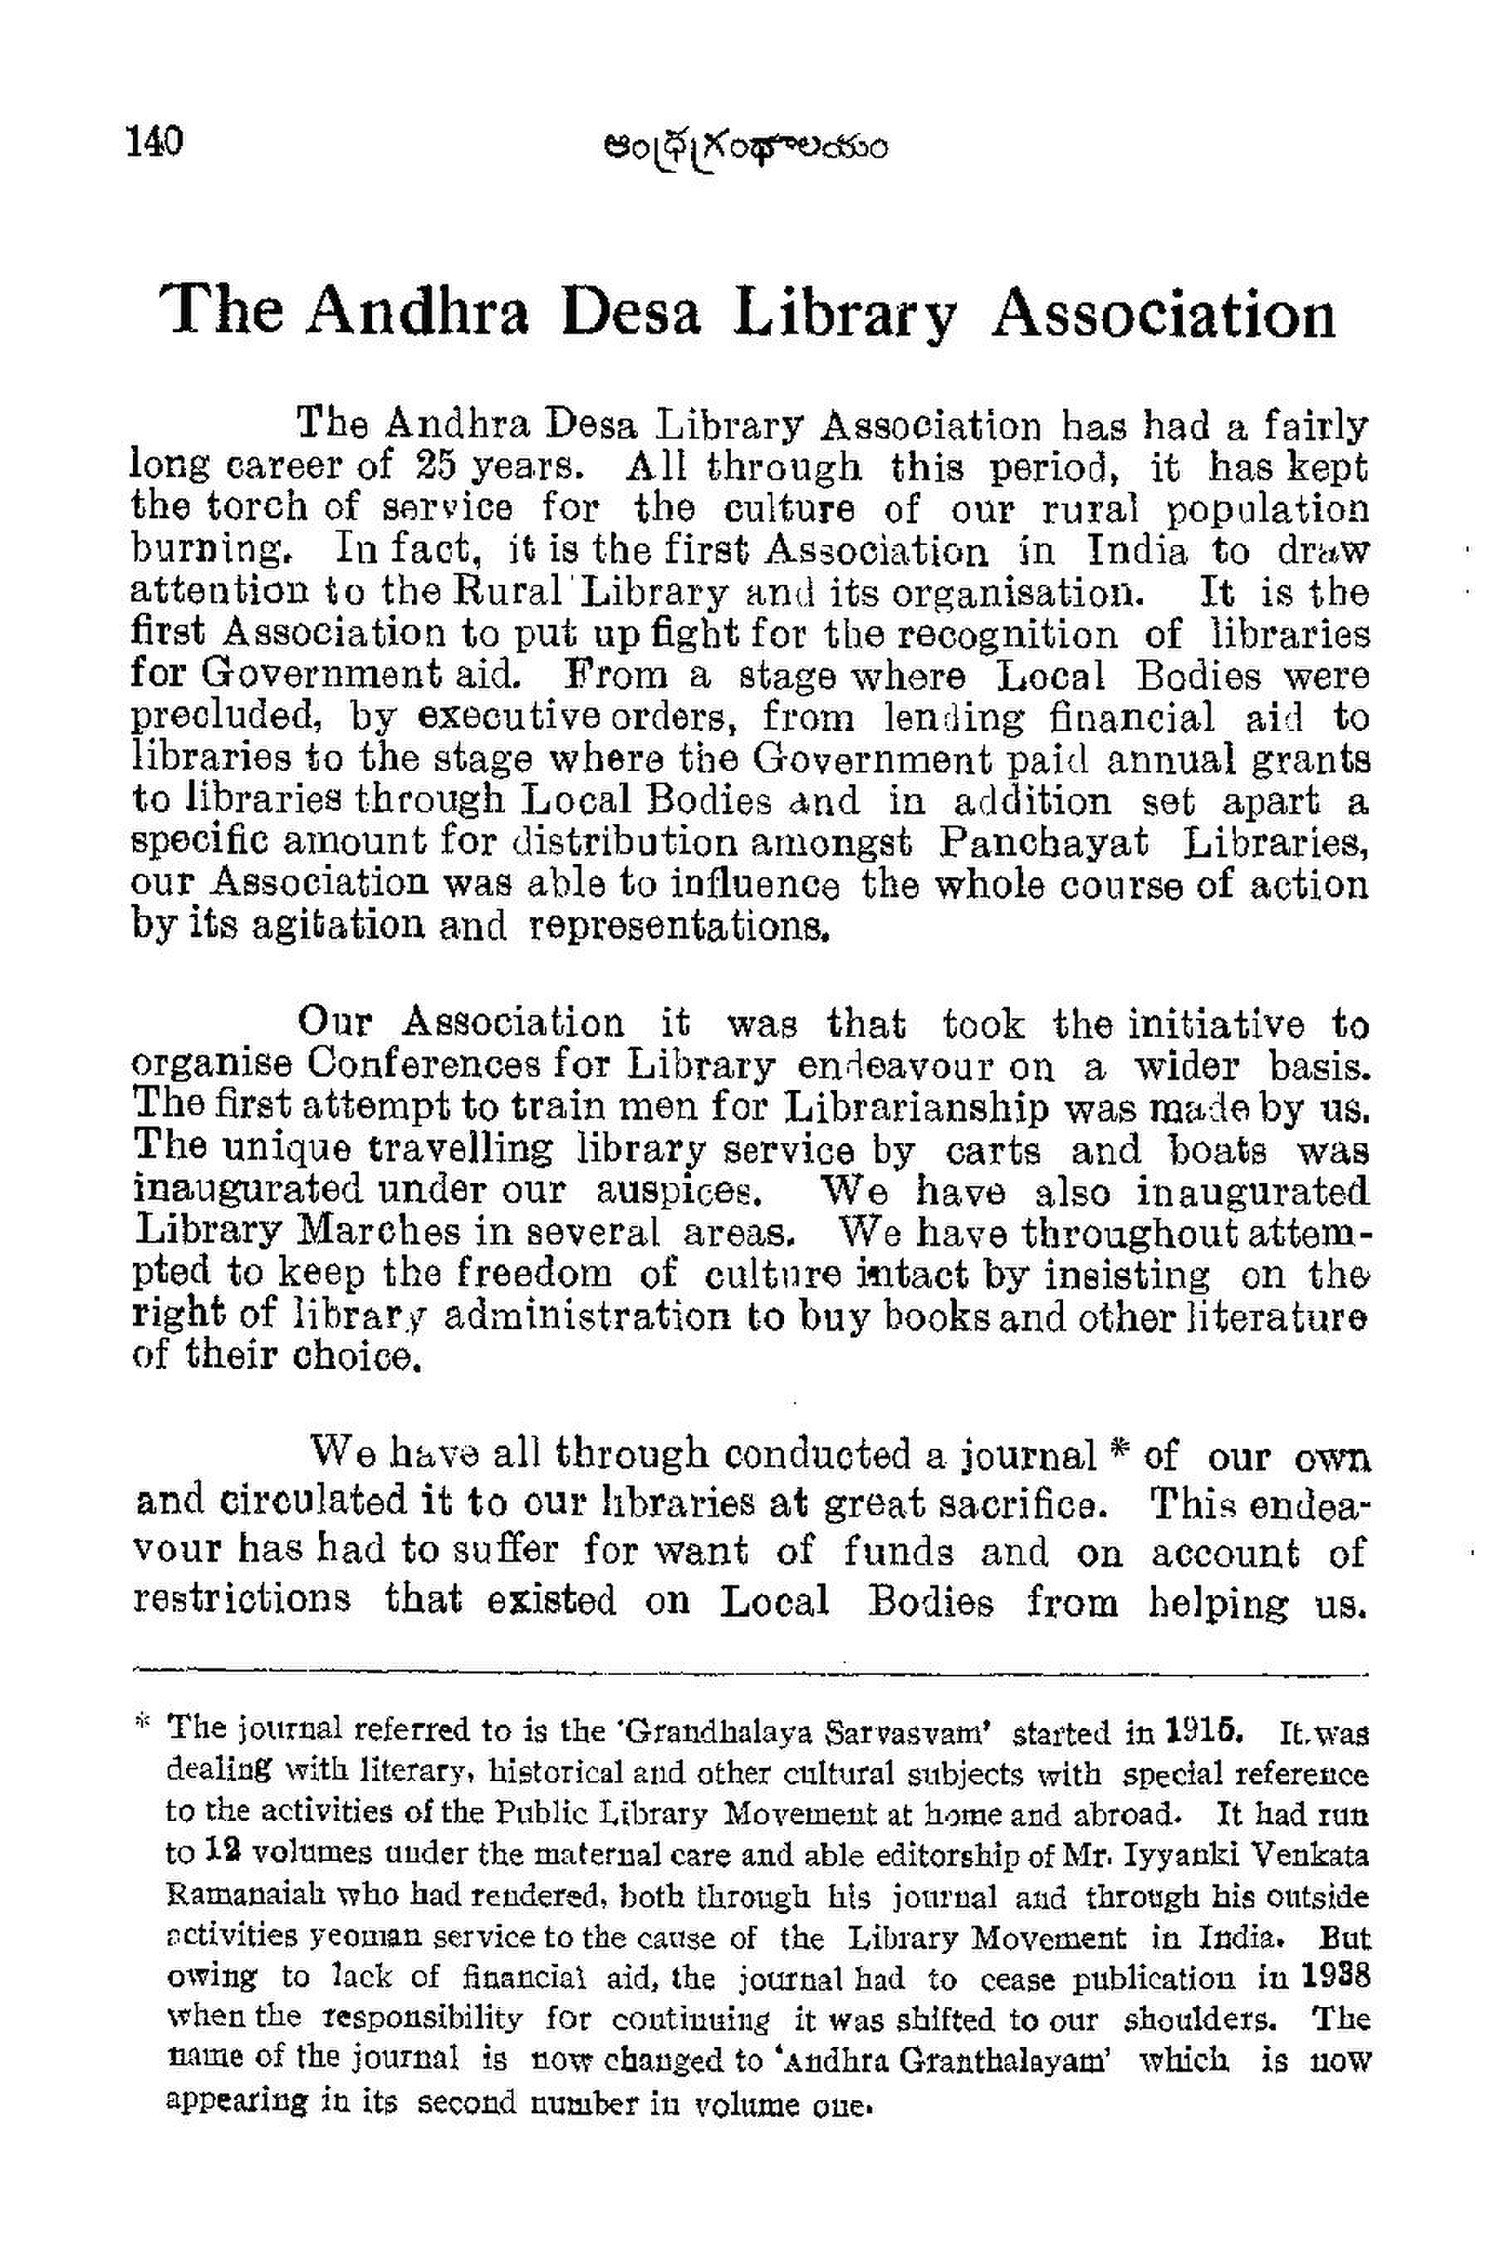The Andhra Desa Library Association has had a fairly long career of 25 years. All through this period, 
it has kept the torch of service for the culture of our rural population burning. In fact, it is the first Association in India to draw attention to the Rural Library and its organization. It is the first Association 
to put up fight for the recognition of libraries for Government aid. From a stage where Local Bodies were.
precluded, by executive orders, from lending financial aid to libraries to the stage where the Government 
paid annual grants to libraries through Local Bodies and in addition set apart a specific amount for 
distribution amongst Panchayat Libraries, our Association was able to influence the whole course of action
by its agitation and representations.

Our Association it was that took the initiative to organize Conferences for Library endeavor on a wider 
basis. The first attempt to train men for Librarianship was made by us. The unique travelling library 
service by carts and boats was inaugurated under our auspices. We have also inaugurated Library Marches 
in several areas. We have throughout attempted to keep the freedom of culture intact by insisting on the
right of library administration to buy books and other literature of their choice.

We have all through conducted a journal* of our own and circulated it to our libraries at great sacrifice. 
This endeavor has had to suffer for want of funds and on account of restrictions that existed on Local 
Bodies from helping us.